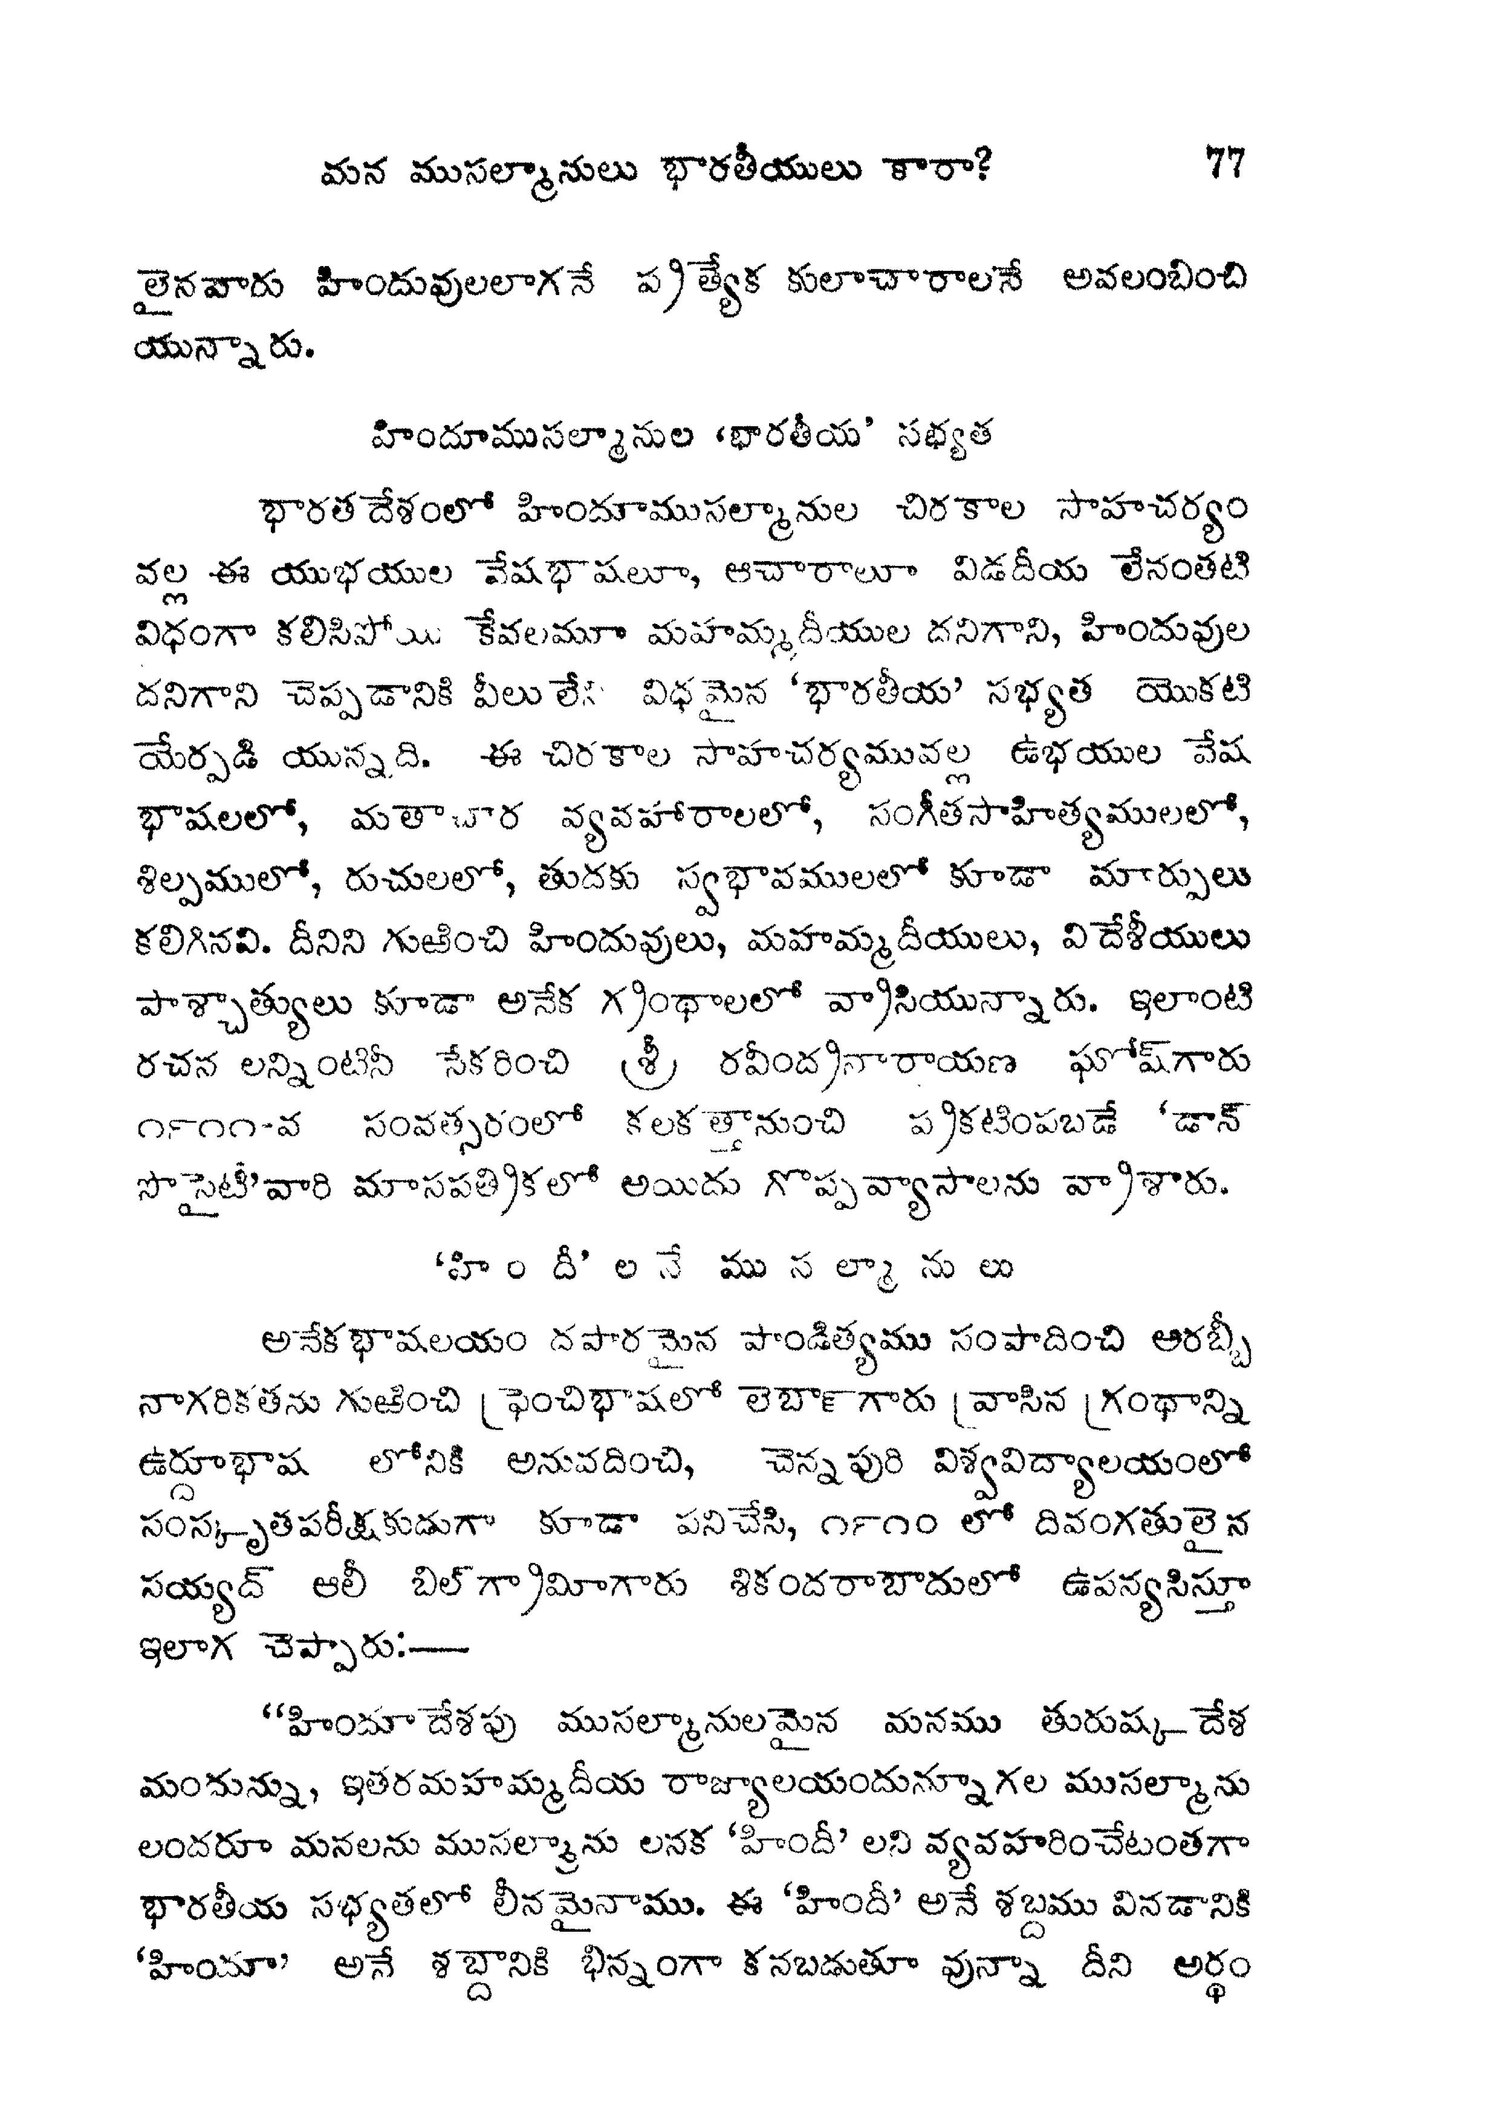లైనవారు హిందువులలాగనే ప్రత్యేక కులాచారాలనే అవలంబించి యున్నారు.

భారతదేశంలో హిందూముసల్మానుల చిరకాల సాహచర్యం వల్ల ఈ యుభయుల వేషభాషలూ, అచారాలూ విడదీయ లేనంతటి విధంగా కలిసిపోయి కేవలమూ మహమ్మదీయుల దనిగాని, హిందువుల దనిగాని చెప్పడానికి వీలులెని విధమైన 'భారతీయ ' సభ్యత యొకటి యేర్పడి యున్నది. ఈ చిరకాల సాహచర్యమువల్ల ఉభయులు వేషభాషలలో, మతాచార వ్యవహారాలలో, సంగీత సాహిత్యములలో, శిల్పములో, రుచులలో, తుదకు స్వభావములలో కూడా మార్పులు కలిగినవి. దీనిని గుఱించి హిందువులు, మహమ్మదీయులు, విదేశీయులు పాశ్వాత్యులు కూడా అనేక గ్రంధాలలో వ్రాసియున్నారు. ఇలాంటి రచన లన్నియు సేకరించి శ్రీ రవీంద్రనారాయణఘోష్ గారు 1911 వ సంవత్సరంలో కలకత్తానుంచి ప్రకటింపబడే 'డాన్ సొసైటీవారి మాసపత్రికలో అయిదు గొప్పవ్యాసాలను వ్రాశారు.

అనేకభాషలయం దపారమైన పాండిత్యము సంపాదించి అరబ్బీ నాగరికతను గుఱించి ఫ్రెంచిభాషలో లెబా న్ గారు వ్రాసిన గ్రంధాన్ని ఉర్దూభాష లోనికి అనువదించి, చెన్నపురి విశ్వవిద్యాలయంలో సంస్కృతపరీక్షకుడుగా కూడా పనిచేసి, 1911 లో దివంతగులైన సయ్యద్ ఆలీ బిల్ గ్రామీగారు శికందరాబాదులో ఉపన్యసిస్తూ ఇలాగ చెప్పారు:-

"హిందూదేశపు ముసల్మానులమైన మనము తురుష్కదేశ మందున్న, ఇతర మహమ్మదీయ రాజ్యాలయందున్నూగల ముసల్మానులందరూ మనలను ముసల్మాను లనక 'హిందీ ' లని వ్యవహరించేటంతగా భారతీయ సభ్యతలో లీనమైనాము. ఈ 'హిందీ ' అనే శబ్దము వినడానికి 'హిందూ ' అనే శబ్దానికి భిన్నంగ అ కనబడుతూ వున్నా దీని అర్ధం